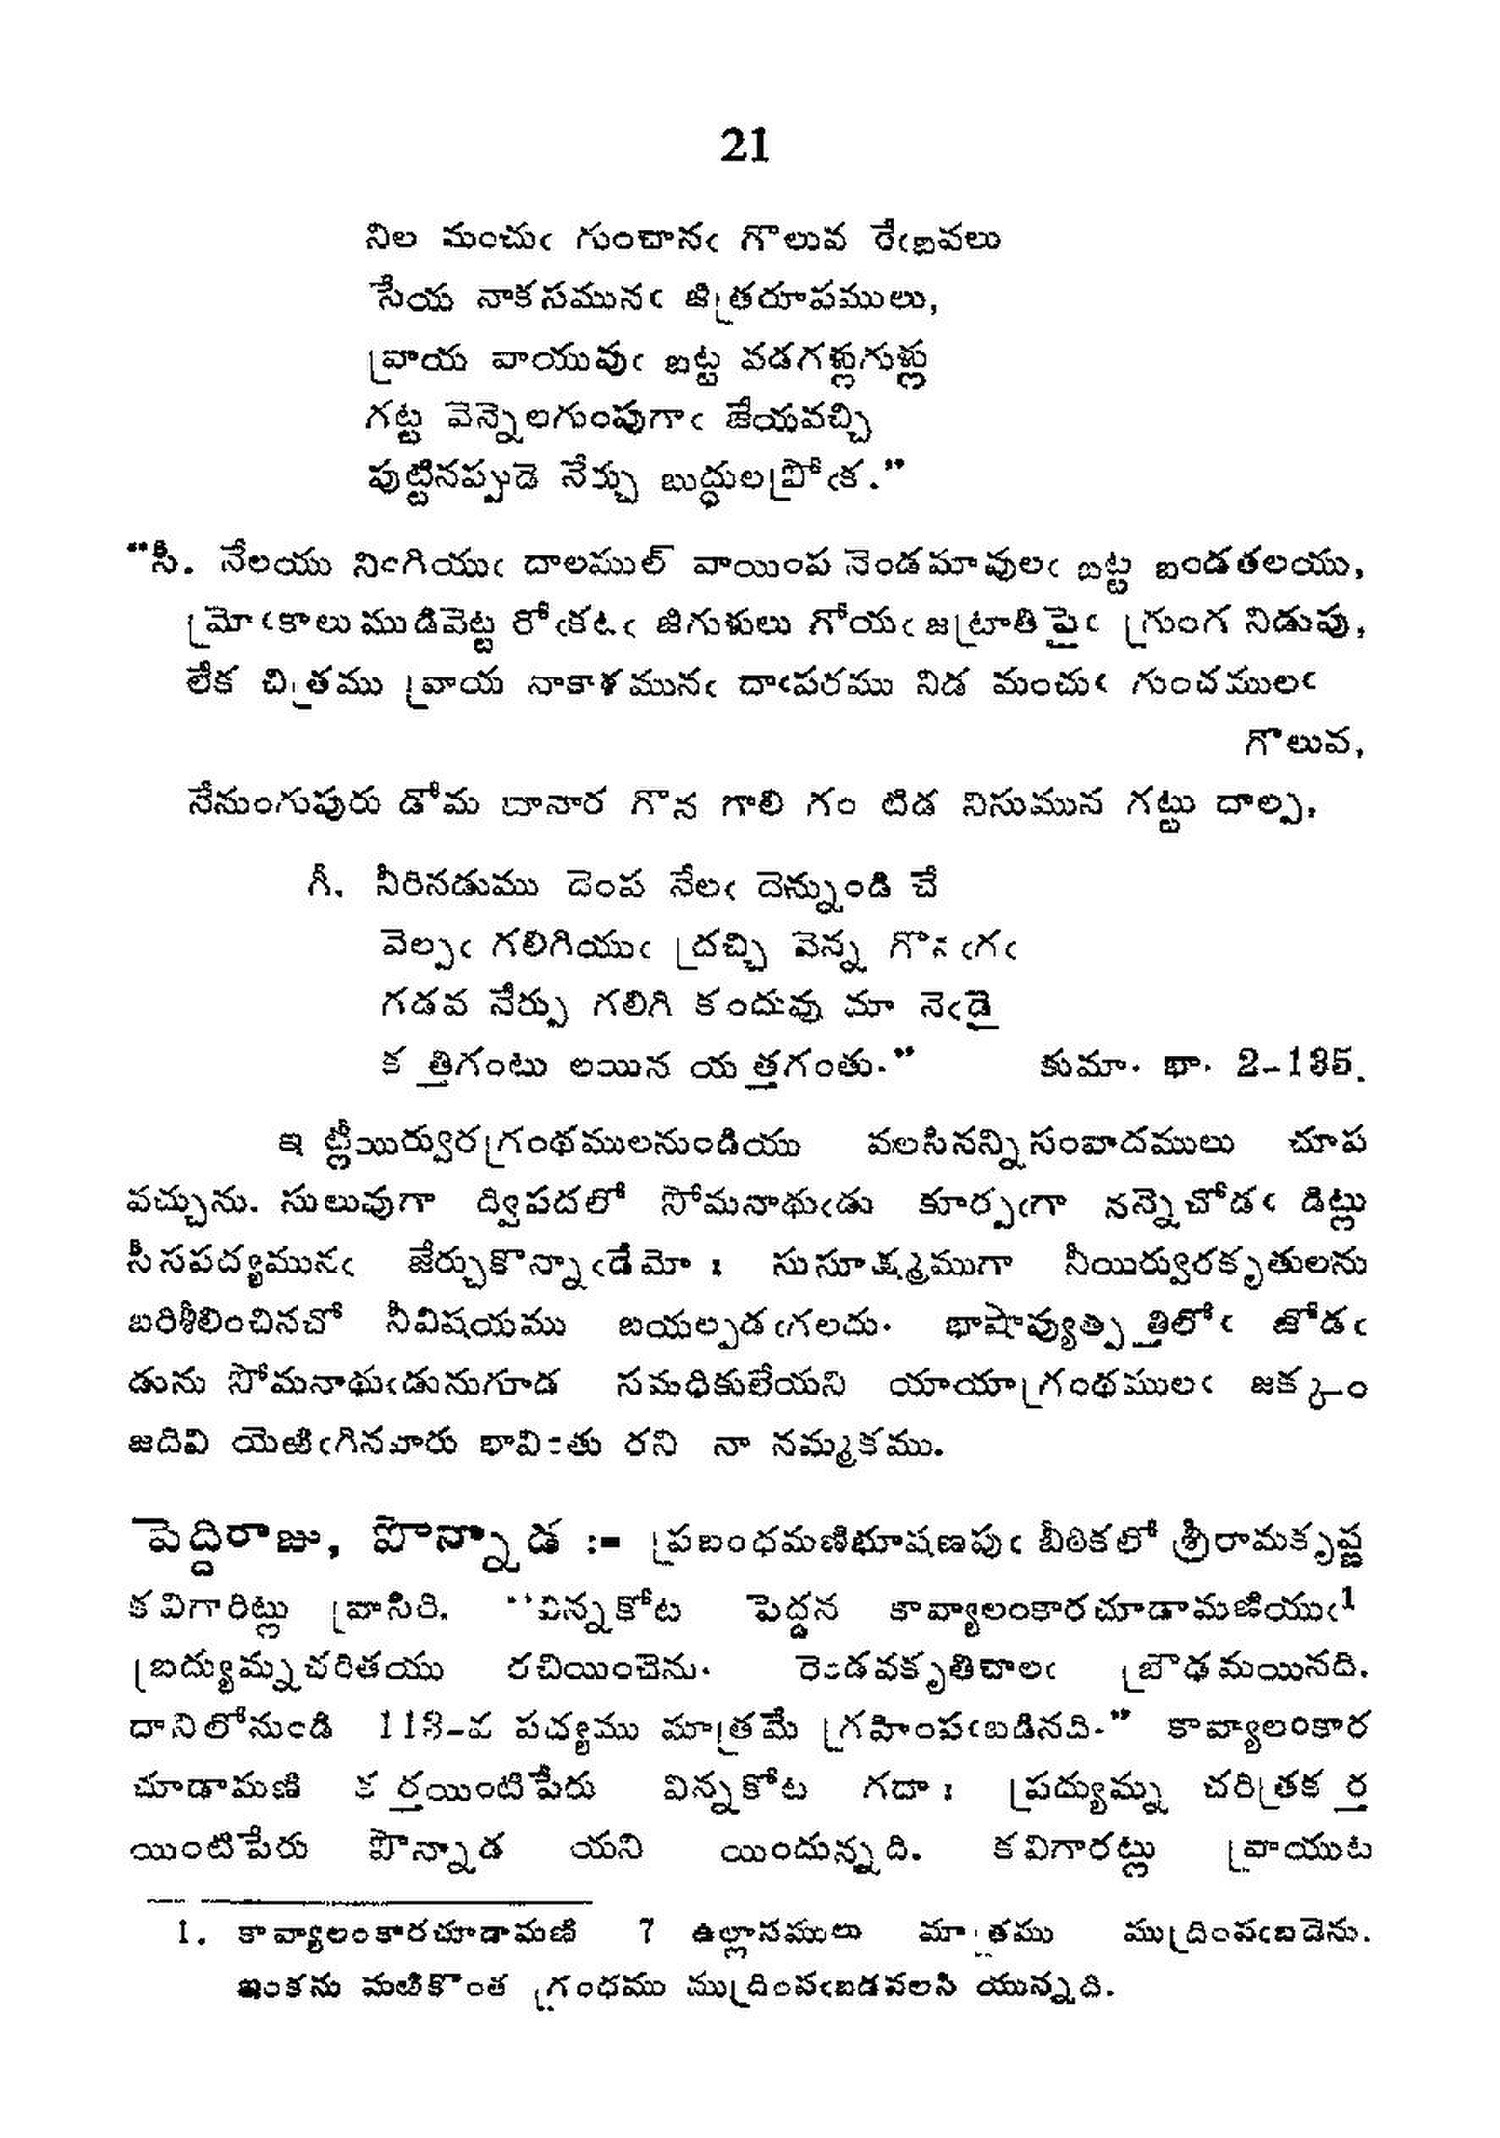నిల మంచుఁ గుంచానఁ గొలువ రేబవలు
సేయ నాక సమునఁ జిత్రరూపములు,
వ్రాయ వాయువుఁ బట్ట వడగళ్లుగుళ్లు
గట్ట వెన్నెలగుంపుగాఁ జేయవచ్చి
పుట్టినప్పుడే నేర్చు బుద్ధుల ప్రోక."

"సీ. నేలయు నిఁగియుఁ దాలముల్ వాయింప నెండమావులఁ బట్ట బండతలయు,
మ్రోకాలు ముడిపెట్ట రోకటఁ జిగుళులు గోయఁ జట్రాతి పైఁ గ్రుంగ నిడుపు,
లేక చిత్రము వ్రాయ నాకాశమునఁ దాఁపరము నిడ మంచుఁ గుంచములఁగొలువ
నేనుంగుపురు డోమ దానార గొన గాలి గంటిడ నిసుమున గట్టు దాల్ప,

గీ, నీరినడుము డెంప నేలఁ దెన్నుండి చే
వెల్పఁ గలిగియుఁ ద్రచ్చి వెన్న గొనగఁ
గడవ నేర్పు గలిగి కందువు చూ నెఁడై
క తీగంటు లయిన యత్తగంతు. " కుమా. భా. 2-185.

ఇట్లియిర్వుర గ్రంథములనుండియు వలసినన్ని సంవాదములు
వచ్చును. సులువుగా ద్వీపదలో సోమనాథుఁడు కూర్పఁగా నన్నె చోడఁ డిట్లు
సీసపద్యమునఁ జేర్చుకొన్నా డేమో ! సుసూక్ష్మముగా నీయిర్వుర కృతులను
బరిశీలించినచో నీవిషయము బయల్పడ గలదు. భాషావ్యుత్పత్తిలోఁ జోడఁ
డును సోమనాథుఁడును గూడ సమధికులేయని యాయాగ్రంథములఁ జక్కం
జదివి యెఱిగినవారు భావి:ంతు రని నా నమ్మకము.

పెద్దిరాజు, పొన్నాడ :- ప్రబంధమణిభూషణపుఁ బీఠిక లో శ్రీరామకృష్ణ
కవిగా రిట్లు వ్రాసిరి. "విన్నకోట పెద్దన కావ్యాలంకారచూడామణియుఁ1
బ్రద్యుమ్న చరితయు రచియించెను.రెండవకృతి చాలఁ బ్రౌఢమయినది.
దానిలోనుండి 113-ప పచ్యము మాత్రమే గ్రహింపఁబడినది." కావ్యాలంకార
చూడామణి కర్తయింటి పేరు విన్నకోట గదా! ప్రద్యుమ్న చరిత్రకర్త
యింటి పేరు పొన్నాడ యని యిందున్నది. కవిగారట్లువ్రాయుట

1